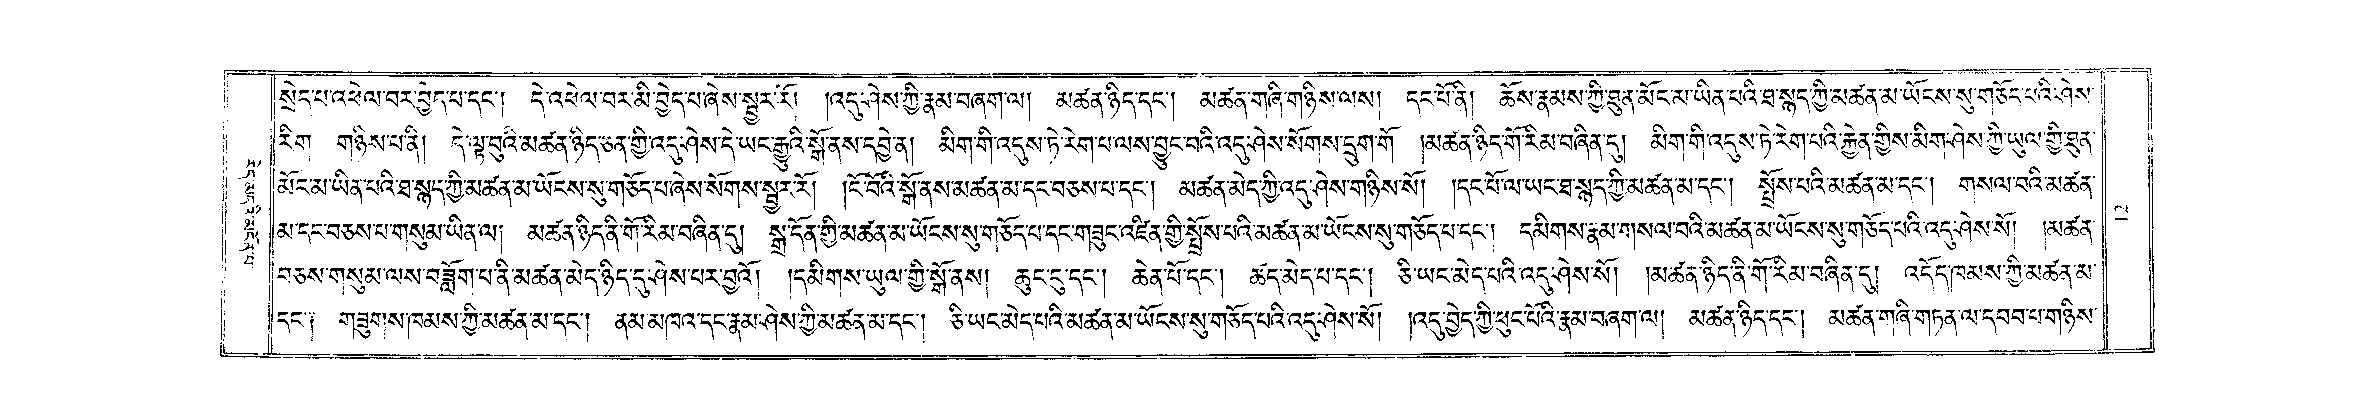སྲེད་པ་འཕེལ་བར་བྱེད་པ་དང་། དེ་འཕེལ་བར་མི་བྱེད་པ་ཞེས་སྦྱར་རོ། །འདུ་ཤེས་ཀྱི་རྣམ་བཞག་ལ། མཚན་ཉིད་དང་། མཚན་གཞི་གཉིས་ལས། དང་པོ་ནི། ཆོས་རྣམས་ཀྱི་ཐུན་མོང་མ་ཡིན་པའི་ཐ་སྙད་ཀྱི་མཚན་མ་ཡོངས་སུ་གཅོད་པའི་ཤེས་
རིག་གཉིས་པ་ནི། དེ་ལྟ་བུའི་མཚན་ཉིད་ཅན་གྱི་འདུ་ཤེས་དེ་ཡང་རྒྱུའི་སྒོ་ནས་དབྱེ་ན། མིག་གི་འདུས་ཏེ་རེག་པ་ལས་བྱུང་བའི་འདུ་ཤེས་སོགས་དྲུག་གོ །མཚན་ཉིད་གོ་རིམ་བཞིན་དུ། མིག་གི་འདུས་ཏེ་རེག་པའི་རྐྱེན་གྱིས་མིག་ཤེས་ཀྱི་ཡུལ་གྱི་ཐུན་
མོང་མ་ཡིན་པའི་ཐ་སྙད་ཀྱི་མཚན་མ་ཡོངས་སུ་གཅོད་པ་ཞེས་སོགས་སྦྱར་རོ། །ངོ་བོའི་སྒོ་ནས་མཚན་མ་དང་བཅས་པ་དང་། མཚན་མེད་ཀྱི་འདུ་ཤེས་གཉིས་སོ། །དང་པོ་ལ་ཡང་ཐ་སྙད་ཀྱི་མཚན་མ་དང་། སྤྲོས་པའི་མཚན་མ་དང་། གསལ་བའི་མཚན་
མ་དང་བཅས་པ་གསུམ་ཡིན་ལ། མཚན་ཉིད་ནི་གོ་རིམ་བཞིན་དུ། སྒྲ་དོན་གྱི་མཚན་མ་ཡོངས་སུ་གཅོད་པ་དང་གཟུང་འཛིན་གྱི་སྤྲོས་པའི་མཚན་མ་ཡོངས་སུ་གཅོད་པ་དང་། དམིགས་རྣམ་གསལ་བའི་མཚན་མ་ཡོངས་སུ་གཅོད་པའི་འདུ་ཤེས་སོ། །མཚན་
བཅས་གསུམ་ལས་བཟློག་པ་ནི་མཚན་མེད་ཉིད་དུ་ཤེས་པར་བྱའོ། །དམིགས་ཡུལ་གྱི་སྒོ་ནས། ཆུང་ངུ་དང་། ཆེན་པོ་དང་། ཚད་མེད་པ་དང་། ཅི་ཡང་མེད་པའི་འདུ་ཤེས་སོ། །མཚན་ཉིད་ནི་གོ་རིམ་བཞིན་དུ། འདོད་ཁམས་ཀྱི་མཚན་མ་
དང༑ གཟུགས་ཁམས་ཀྱི་མཚན་མ་དང་། ནམ་མཁའ་དང་རྣམ་ཤེས་ཀྱི་མཚན་མ་དང་། ཅི་ཡང་མེད་པའི་མཚན་མ་ཡོངས་སུ་གཅོད་པའི་འདུ་ཤེས་སོ། །འདུ་བྱེད་ཀྱི་ཕུང་པོའི་རྣམ་བཞག་ལ། མཚན་ཉིད་དང་། མཚན་གཞི་གཏན་ལ་དབབ་པ་གཉིས་